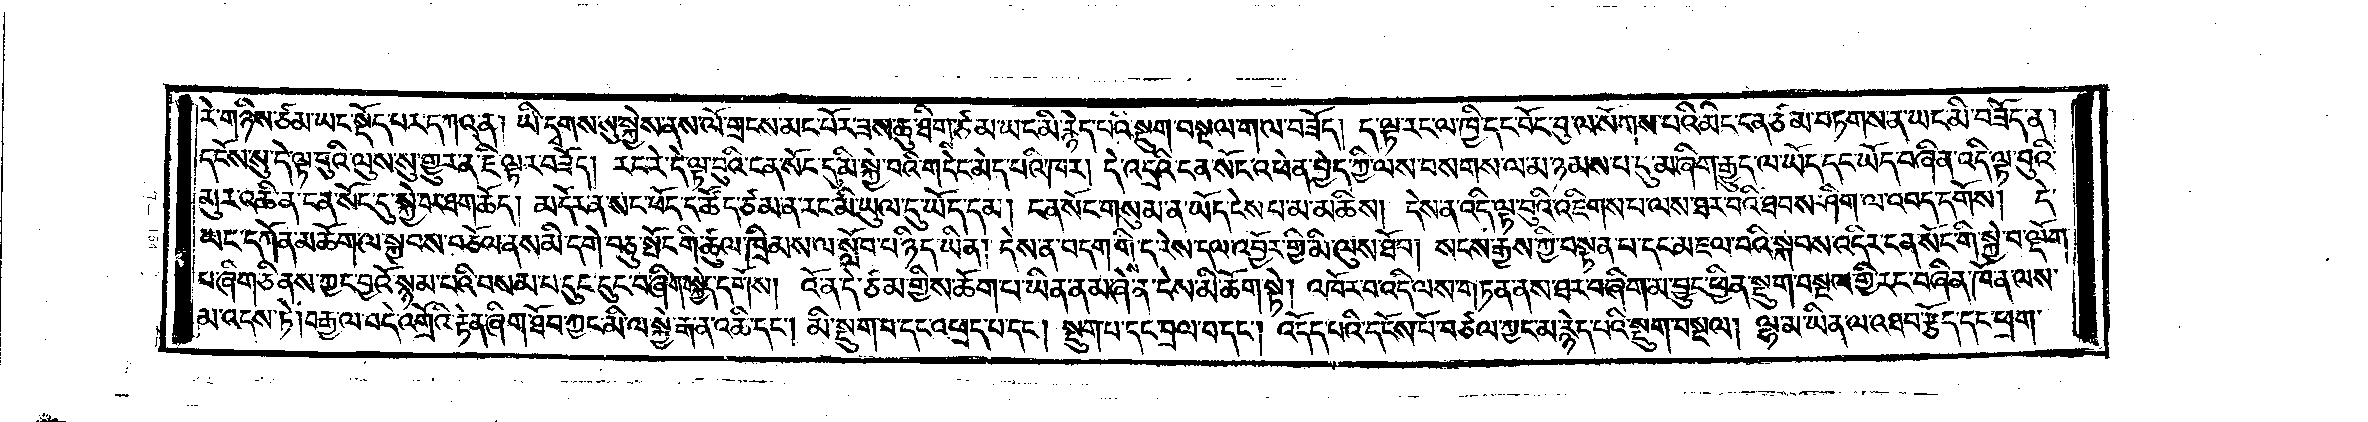རེ་གཉིས་ཙམ་ཡང་སྡོད་པར་དཀའ་ན། ཡི་དྭགས་སུ་སྐྱེས་ནས་ལོ་གྲངས་མང་པོར་ཟས་ཆུ་ཐིགས་ཙམ་ཡང་མི་རྙེད་པའི་སྡུག་བསྔལ་ག་ལ་བཟོད། ད་ལྟ་རང་ལ་ཁྱི་དང་བོང་བུ་ལ་སོགས་པའི་མིང་ངན་ཙམ་བཏགས་ན་ཡང་མི་བཟོད་ན།
དངོས་སུ་དེ་ལྟ་བུའི་ལུས་སུ་གྱུར་ན་ཇི་ལྟར་བཟོད། རང་རེ་དེ་ལྟ་བུའི་ངན་སོང་དུ་མི་སྐྱེ་བའི་གདེང་མེད་པའི་ཁར། དེ་འདྲའི་ངན་སོང་འཕེན་བྱེད་ཀྱི་ལས་བསགས་ལ་མ་ཉམས་པ་དུ་མ་ཞིག་རྒྱུད་ལ་ཡོད་དང་ཡོད་བཞིན་འདི་ལྟ་བུའི་
མུར་འཆི་ན་ངན་སོང་དུ་སྐྱེ་བར་ཐག་ཆོད། མདོར་ན་སང་ཕོད་ད་ཚོད་ཙམ་ན་རང་མི་ཡུལ་དུ་ཡོད་དམ། ངན་སོང་གསུམ་ན་ཡོད་ངེས་པ་མ་མཆིས། དེས་ན་འདི་ལྟ་བུའི་འཇིགས་པ་ལས་ཐར་བའི་ཐབས་ཤིག་ལ་འབད་དགོས། དེ་
ཡང་དཀོན་མཆོག་ལ་སྐྱབས་བཅོལ་ནས་མི་དགེ་བཅུ་སྤོང་གི་ཚུལ་ཁྲིམས་ལ་སློབ་པ་ཉིད་ཡིན། དེས་ན་བདག་གིས་ད་རེས་དལ་འབྱོར་གྱི་མི་ལུས་ཐོབ། སངས་རྒྱས་ཀྱི་བསྟན་པ་དང་མཇལ་བའི་སྐབས་འདིར་ངན་སོང་གི་སྐྱེ་བ་ལྡོག་
བ་ཞིག་ཅི་ནས་ཀྱང་བྱའོ་སྙམ་པའི་བསམ་པ་དུང་དུང་བ་ཞིག་བསྐྱེད་དགོས་།འོ་ན་དེ་ཙམ་གྱིས་ཆོག་པ་ཡིན་ནམ་ཞེས་ན་དེས་མི་ཆོག་སྟེ། འཁོར་བ་འདི་ལས་གཏན་ནས་ཐར་བ་ཞིག་མ་བྱུང་ཕྱིན་སྡུག་བསྔལ་གྱི་རང་བཞིན་ཁོ་ན་ལས་
མ་འདས་ཏེ་།བརྒྱ་ལ་བདེ་འགྲོའི་རྟེན་ཞིག་ཐོབ་ཀྱང་མི་ལ་སྐྱེ་རྒ་ན་འཆི་དང་། མི་སྡུག་པ་དང་འཕྲད་པ་དང་། སྡུག་པ་དང་བྲལ་བ་དང་། འདོད་པའི་དངོས་པོ་བཙལ་ཀྱང་མ་རྙེད་པའི་སྡུག་བསྔལ། ལྷ་མ་ཡིན་ལ་འཐབ་རྩོད་དང་ཕྲག་